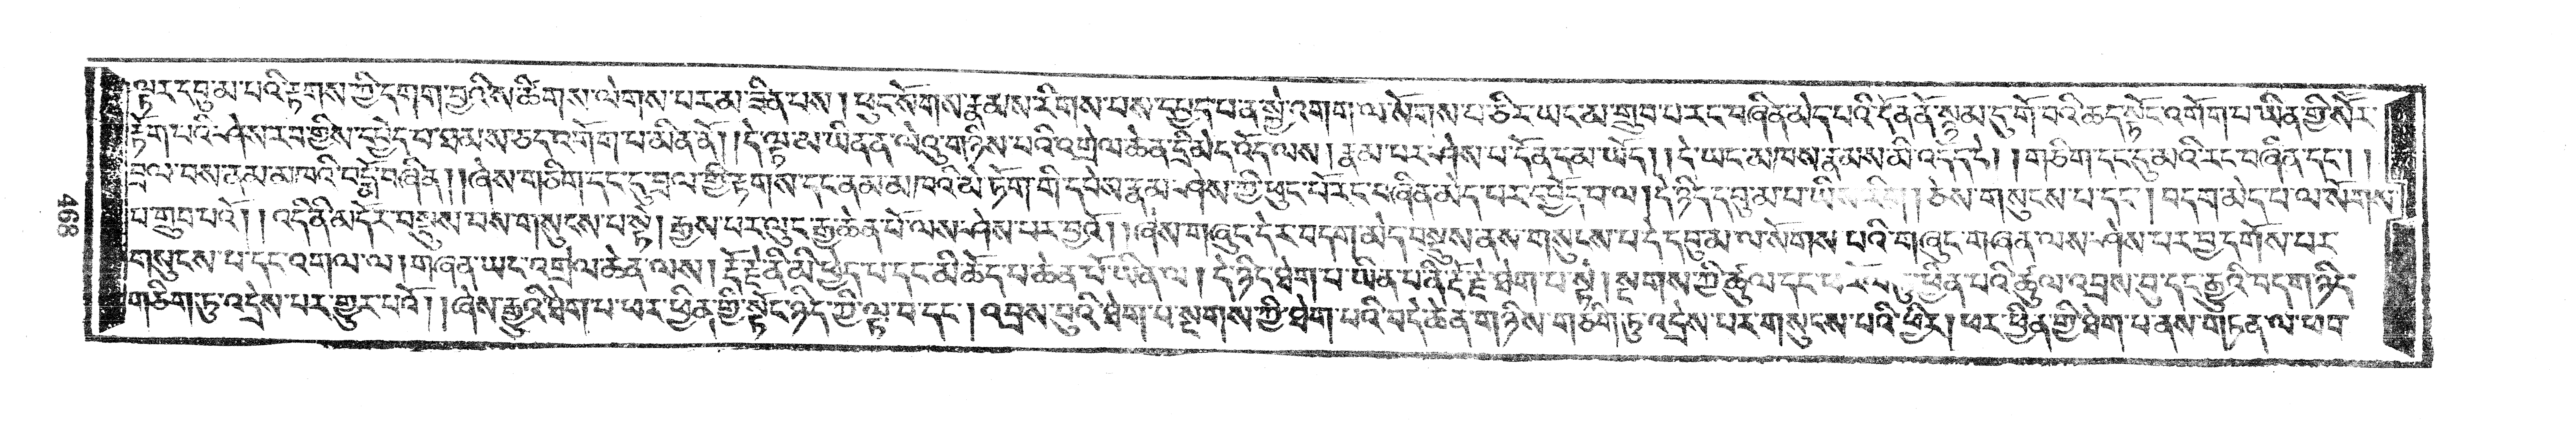ལྟར་དབུ་མ་པའི་རྟགས་ཀྱི་དགག་བྱའི་ས་ཚིགས་ལེགས་པར་མ་ཟིན་པས། ཕུང་སོགས་རྣམས་རིགས་པས་དཔྱད་པ་ན་སྐྱེ་འགག་ལ་སོགས་པ་ཅིར་ཡང་མ་གྲུབ་པ་རང་བཞིན་མེད་པའི་དོན་ནོ་སྙམ་དུ་གོ་བའི་ཆད་སྟོང་འགོག་པ་ཡིན་གྱི་སཽར་
རྟོག་པའི་ཤེས་རབ་ཀྱིས་དཔྱོད་པ་ཐམས་ཅད་འགོག་པ་མིན་ནོ། །དེ་ལྟ་མ་ཡིན་ན་ལེའུ་གཉིས་པའི་འགྲེལ་ཆེན་དྲི་མེད་འོད་ལས། རྣམ་པར་ཤེས་པ་དོན་དམ་ཡོད། །དེ་ཡང་མཁས་རྣམས་མི་འདོད་དེ། །གཅིག་དང་དུ་མའི་རང་བཞིན་དང།།
བྲལ་བས་ནམ་མཁའི་པདམོ་བཞིན། །ཞེས་གཅིག་དང་དུ་བྲལ་གྱི་རྟགས་དང་ནམ་མཁའི་མེ་ཏོག་གི་དཔེས་རྣམ་ཤེས་ཀྱི་ཕུང་པོ་རང་བཞིན་མེད་པར་དཔྱོད་པ་ལ། དེ་ཉིད་དབུ་མ་པ་ཡིས་རིག །ཅེས་གསུངས་པ་དང་། བདག་མེད་པ་ལ་སོགས་
པ་གྲུབ་པའོ། །འདི་ནི་མདོར་བསྡུས་པས་གསུངས་པ་སྟེ། རྒྱས་པར་ལུང་རྒྱ་ཆེན་པོ་ལས་ཤེས་པར་བྱའོ། །ཞེས་གཞུང་དེར་བདག་མེད་བསྡུས་ནས་གསུངས་པ་དེ་དབུ་མ་ལ་སོགས་པའི་གཞུང་གཞན་ལས་ཤེས་པར་བྱ་དགོས་པར་
གསུངས་པ་དང་འགལ་ལ། གཞན་ཡང་འགྲེལ་ཆེན་ལས། རྡོ་རྗེ་ནི་མི་ཕྱེད་པ་དང་མི་ཆོད་པ་ཆེན་པོ་ཡིན་ལ། དེ་ཉྡི་ཐེག་པ་ཡིན་པ་ནི་རྡོ་རྗེ་ཐེག་པ་སྟེ། སྔགས་ཀྱི་ཚུལ་དང་ཕ་རོལ་ཏུ་ཕྱིན་པའི་ཚུལ་འབྲས་བུ་དང་རྒྱུའི་བདག་ཉིད་
གཅིག་ཏུ་འདྲེས་པར་གྱུར་པའོ། །ཞེས་རྒྱུའི་ཐེག་པ་ཕར་ཕྱིན་གྱི་སྟོང་ཉིད་ཀྱི་ལྟ་བ་དང་། འབྲས་བུའི་ཐེག་པ་སྔགས་ཀྱི་ཐེག་པའི་བདེ་ཆེན་གཉིས་གཅིག་ཏུ་འདྲེས་པར་གསུངས་པའི་ཕྱིར། ཕར་ཕྱིན་གྱི་ཐེག་པ་ནས་གཏན་ལ་ཕབ་